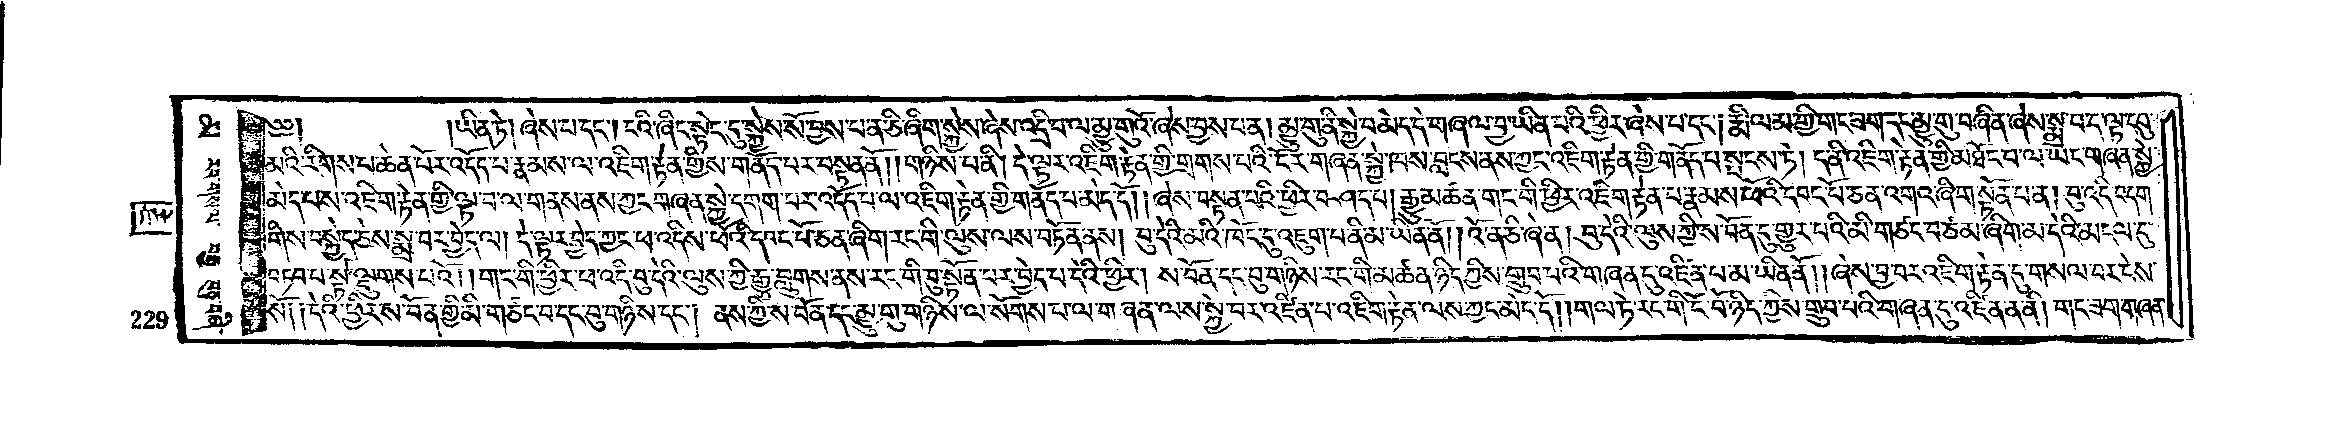༄༅། །ཏེ། ཞེས་པ་དང་། ངའི་ཞིང་སྟེང་དུ་སྐྱེས་སོ་བྱས་པ་ན་ཅི་ཞིག་སྐྱེས་ཞེས་འདྲི་བ་ལ་མྱུ་གུའོ་ཞེས་བྱས་པ་ན། མྱུ་གུ་ནི་སྐྱེ་བ་མེད་དེ་གཞལ་བྱ་ཡིན་པའི་ཕྱིར་ཞེས་པ་དང་། རྨི་ལམ་གྱི་གང་ཟག་དང་མྱུ་གུ་བཞིན་ཞེས་སྨྲ་བ་ད་ལྟ་དབུ་
མའི་རིགས་པ་ཆེན་པོར་འདོད་པ་རྣམས་ལ་འཇིག་རྟེན་གྱིས་གནོད་པར་བསྟན་ནོ། །གཉིས་པ་ནི། དེ་ལྟར་འཇིག་རྟེན་གྱི་གྲགས་པའི་ངོར་གཞན་སྐྱེ་ཁས་བླངས་ནས་ཀྱང་འཇིག་རྟེན་གྱི་གནོད་པ་སྤངས་ཏེ། ད་ནི་འཇིག་རྟེན་གྱི་མཐོང་བ་ལ་ཡང་གཞན་སྐྱེ་
མེད་པས་འཇིག་རྟེན་གྱི་ལྟ་བ་ལ་གནས་ནས་ཀྱང་གཞན་སྐྱེ་དགག་པར་འདོད་པ་ལ་འཇིག་རྟེན་གྱི་གནོད་པ་མེད་དོ། །ཞེས་བསྟན་པའི་ཕྱིར་བཤད་པ། རྒྱུ་མཚན་གང་གི་ཕྱིར་འཇིག་རྟེན་པ་རྣམས་ཕོའི་དབང་པོ་ཅན་འགའ་ཞིག་སྟོན་པ་ན། བུ་འདི་བདག་
གིས་བསྐྱེད་ཅེས་སྨྲ་བར་བྱེད་ལ། དེ་ལྟར་བྱེད་ཀྱང་ཕ་འདིས་ཕོའི་དབང་པོ་ཅན་ཞིག་རང་གི་ལུས་ལས་བཏོན་ནས། བུ་དེའི་མའི་ཁོང་དུ་འཇུག་པ་ནི་མ་ཡིན་ནོ། །འོ་ན་ཅི་ཞེ་ན། བུ་དེའི་ལུས་ཀྱི་ས་བོན་དུ་གྱུར་པའི་མི་གཙང་བ་ཙམ་ཞིག་མ་དེའི་མངལ་དུ་
བཏབ་པ་སྟེ་ལྡུགས་པའོ། །གང་གི་ཕྱིར་ཕ་འདི་བུ་དེའི་ལུས་ཀྱི་རྒྱུ་བླུགས་ནས་རང་གི་བུ་སྟོན་པར་བྱེད་པ་དེའི་ཕྱིར། ས་བོན་དང་བུ་གཉིས་རང་གི་མཚན་ཉིད་ཀྱིས་གྲུབ་པའི་གཞན་དུ་འཛིན་པ་མ་ཡིན་ནོ། །ཞེས་བྱ་བར་འཇིག་རྟེན་དུ་གསལ་བར་ངེས་
སོ། །དེའི་ཕྱིར་ས་བོན་གྱི་མི་གཙང་བ་དང་བུ་གཉིས་དང་། ནས་ཀྱི་ས་བོན་དང་མྱུ་གུ་གཉིས་ལ་སོགས་པ་ལ་གཞན་ལས་སྐྱེ་བར་འཛིན་པ་འཇིག་རྟེན་ལས་ཀྱང་མེད་དོ། །གལ་ཏེ་རང་གི་ངོ་བོ་ཉིད་ཀྱིས་གྲུབ་པའི་གཞན་དུ་འཛིན་ན་ནི། གང་ཟག་གཞན་